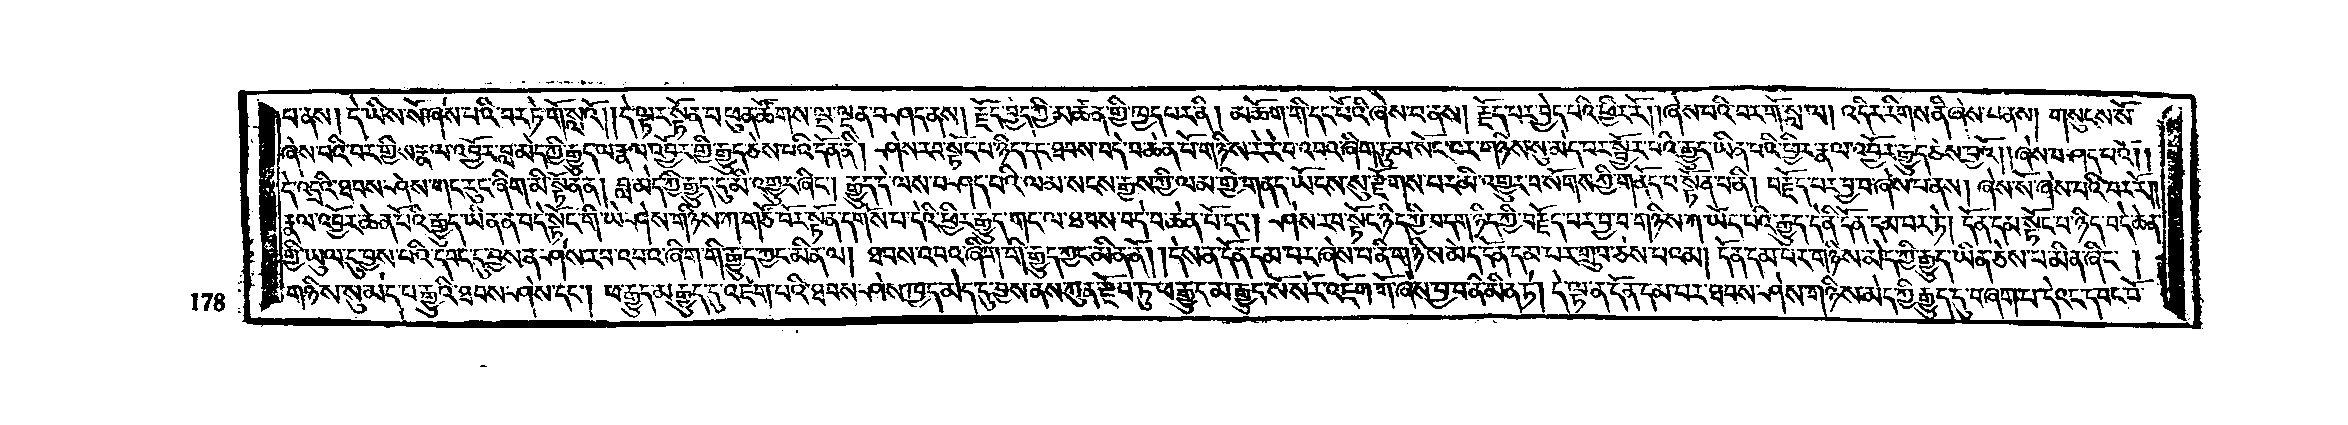པ་ནས། དེ་ཡིས་སོ་ཞེས་པའི་བར་ཏེ་གོ་སླའོ། །དེ་ལྟར་སྟོན་པ་ཕུན་ཚོགས་ལྔ་ལྡན་བཤད་ནས། རྗོད་བྱེད་ཀྱི་མཚན་གྱི་ཁྱད་པར་ནི། མཆོག་གི་དང་པོའི་ཞེས་པ་ནས། རྗོད་པར་བྱེད་པའི་ཕྱིར་རོ། །ཞེས་པའི་བར་གོ་སླ་ལ། འདིར་རིགས་ནི་ཞེས་པ་ནས། གསུངས་སོ་
ཞེས་པའི་བར་གྱིས་རྣལ་འབྱོར་བླ་མེད་ཀྱི་རྒྱུད་ལ་རྣལ་འབྱོར་གྱི་རྒྱུད་ཅེས་པའི་དོན་ནི། ཤེས་རབ་སྟོང་པ་ཉིད་དང་ཐབས་བདེ་བ་ཆེན་པོ་གཉིས་རེ་རེ་བ་འབའ་ཞིག་ཏུ་མ་སོང་བར་གཉིས་སུ་མེད་པར་སྦྱོར་བའི་རྒྱུད་ཡིན་པའི་ཕྱིར་རྣལ་འབྱོར་རྒྱུད་ཅེས་བྱའོ། །ཞེས་བཤད་པའོ། །
དེ་འདྲའི་ཐབས་ཤེས་གང་རུང་ཞིག་མི་སྟོན་ན། བླ་མེད་ཀྱི་རྒྱུད་དུ་མི་འགྱུར་ཞིང་། རྒྱུད་དེ་ལས་བཤད་པའི་ལམ་སངས་རྒྱས་ཀྱི་ལམ་གྱི་གནད་ཡོངས་སུ་རྫོགས་པར་མི་འགྱུར་བ་སོགས་ཀྱི་གནོད་པ་སྟོན་པ་ནི། བརྗོད་པར་བྱ་བ་ཞེས་པ་ནས། ཞེས་སོ་ཞེས་པའི་བར་རོ། །
རྣལ་འབྱོར་ཆེན་པོའི་རྒྱུད་ཡིན་ན་བདེ་སྟོང་གི་ཡེ་ཤེས་གཉིས་ཀ་གཙོ་བོར་སྟོན་དགོས་པ་དེའི་ཕྱིར་རྒྱུད་གང་ལ་ཐབས་བདེ་བ་ཆེན་པོ་དང་། ཤེས་རབ་སྟོང་ཉིད་ཀྱི་བདག་ཉིད་ཀྱི་བརྗོད་པར་བྱ་བ་གཉིས་ཀ་ཡོད་པའི་རྒྱུད་དེ་ནི་དོན་དམ་པར་ཏེ། དོན་དམ་སྟོང་པ་ཉིད་བདེ་ཆེན་
གྱི་ཡུལ་དུ་བྱས་པའི་དབང་དུ་བྱས་ན་ཤེས་རབ་འབའ་ཞིག་གི་རྒྱུད་ཀྱང་མིན་ལ། ཐབས་འབའ་ཞིག་གི་རྒྱུད་ཀྱང་མིན་ནོ། །དེས་ན་དོན་དམ་པར་ཞེས་པ་ནི་གཉིས་མེད་དོན་དམ་པར་གྲུབ་ཅེས་པའམ། དོན་དམ་པར་གཉིས་མེད་ཀྱི་རྒྱུད་ཡིན་ཅེས་པ་མིན་ཞིང་།
གཉིས་སུ་མེད་པ་རྒྱུའི་ཐབས་ཤེས་དང་། ཕ་རྒྱུད་མ་རྒྱུད་དུ་འཇོག་པའི་ཐབས་ཤེས་ཁྱད་མེད་དུ་བྱས་ནས་ཀུན་རྫོབ་ཏུ་ཕ་རྒྱུད་མ་རྒྱུད་སོ་སོར་འཇོག་གོ་ཞེས་བྱ་བ་ནི་མིན་ཏེ། དེ་ལྟ་ན་དོན་དམ་པར་ཐབས་ཤེས་གཉིས་མེད་ཀྱི་རྒྱུད་དུ་བཞག་པ་དེའང་དབང་པོ་